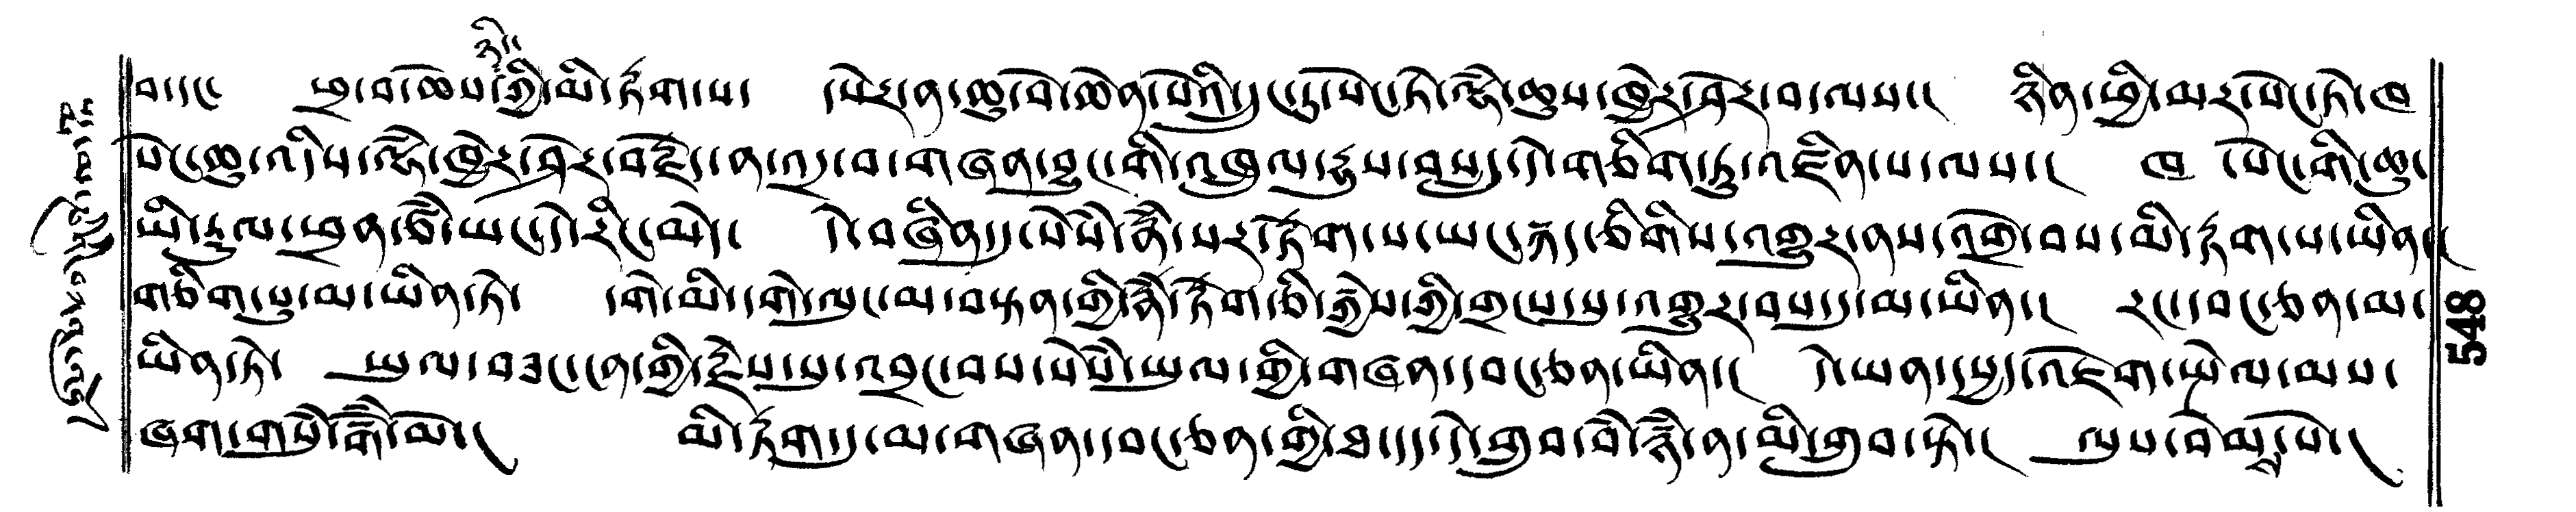བ་དང་། ཕྲ་བ་ཆོས་ཉིད་ཀྱི་མི་རྟག་པ། དཔེར་ན་ཆུ་བོ་ཆེན་པོའི་དྲུང་དུ་སོང་ཏེ་ལྷམ་ཆུས་ཁྱེར་ཤོར་བ་ལས། ཉིན་ཕྱི་མར་སོང་ཏེ་ཁ་
སང་ཆུ་འདིས་ལྷམ་ཁྱེར་ཤོར་བརྗོད་ན་འདྲ་བ་གཞན་བྱུང་གི་འཁྲུལ་རྒྱུས་བསླད་དེ་གཅིག་ཏུ་འཛིན་པ་ལས། ཁ་སང་གི་ཆུ་
ཡི་རྡུལ་ཕྲན་ཙམ་ཡང་དེ་རིང་མེད། དེ་བཞིན་དུ་སེམས་རྣམ་པར་རྟོག་པ་ཡང་སྐད་ཅིག་གིས་འགྱུར་ནས་འགྲོ་བས་མི་རྟག་པ་ཡིན། 
གཅིག་པུ་མ་ཡིན་ཏེ། དགེ་མི་དགེ་ལུང་མ་བསྟན་གྱི་རྣམ་རྟོག་ཅི་སྐྱེས་ཀྱི་གྲངས་སུ་འགྱུར་བས་དུ་མ་ཡིན། རང་དབང་ཅན་མ་
ཡིན་ཏེ། ཡུལ་བཟང་ངན་གྱི་རྗེས་སུ་འབྲང་བས་སེམས་ཡུལ་གྱི་གཞན་དབང་ཅན་ཡིན། དེ་ཡན་དཔྱད་འཇོག་སྤེལ་མས་
ཞག་གསུམ་སྒོམ་མོ། མི་རྟག་དུ་མ་གཞན་དབང་ཅན་གྱི་ཐ་དད་དེ་གྲུབ་བམ་སྙམ་ན་མ་གྲུབ་སྟེ།ལུས་བེམས་པོ།